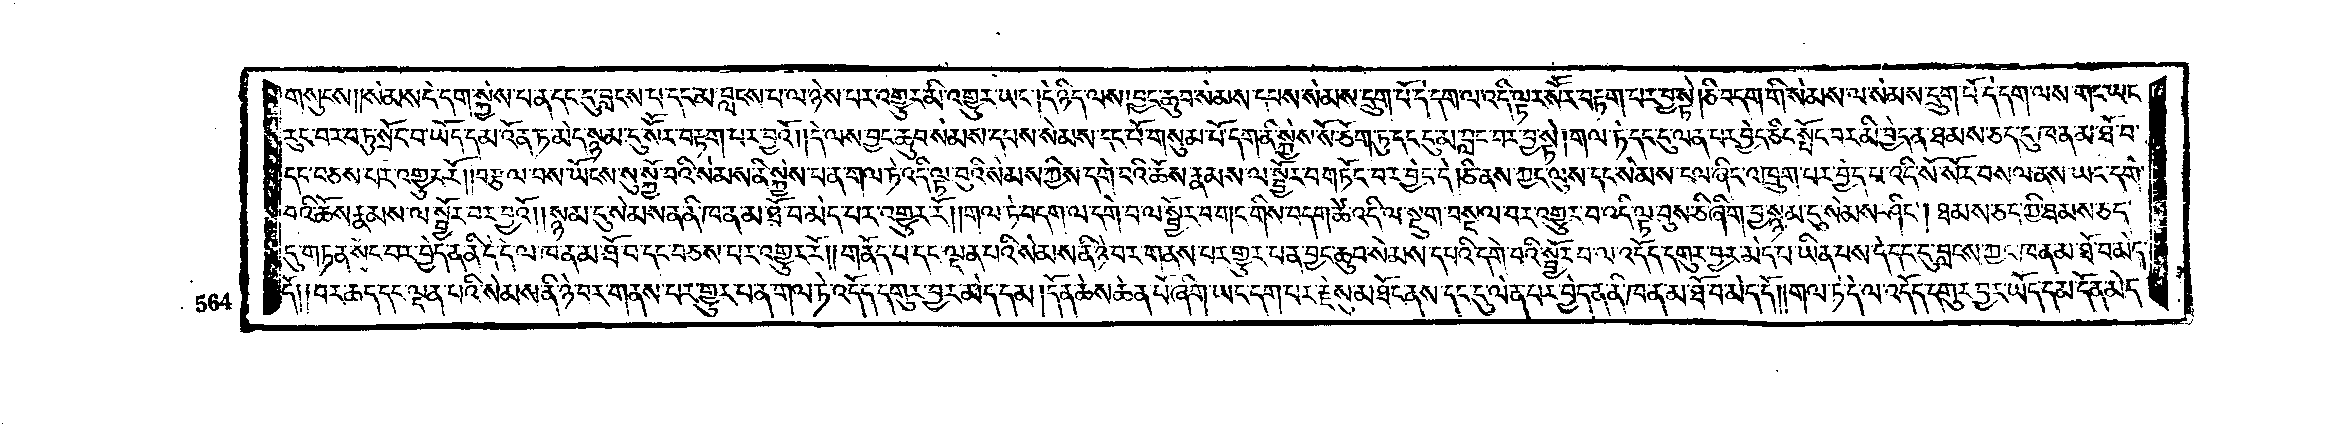གསུངས། །སེམས་དེ་དག་སྐྱེས་པ་ན་དང་དུ་བླངས་པ་དང་མ་བླངས་པ་ལ་ཉེས་པར་འགྱུར་མི་འགྱུར་ཡང་། དེ་ཉིད་ལས། བྱང་ཆུབ་སེམས་དཔས་སེམས་དྲུག་པོ་དེ་དག་ལ་འདི་ལྟར་སོ་སོར་བརྟག་པར་བྱ་སྟེ། ཅི་བདག་གི་སེམས་ལ་སེམས་དྲུག་པོ་དེ་དག་ལས་གང་ཡང་
རུང་བ་རབ་ཏུ་སྲོང་བ་ཡོད་དམ་འོན་ཏ་མེད་སྙམ་དུ་སོ་སོར་བརྟག་པར་བྱའོ། །དེ་ལས་བྱང་ཆུབ་སེམས་དཔས་སེམས་དང་པོ་གསུམ་པོ་དག་ནི་སྐྱེས་སོ་ཅོག་ཏུ་དང་དུ་མ་བླང་བར་བྱ་སྟེ། གལ་ཏེ་དང་དུ་ལན་པར་བྱེད་ཅིང་སྤོང་བར་མི་བྱེད་ན་ཐམས་ཅད་དུ་ཁ་ན་མ་ཐོ་བ་
དང་བཅས་པར་འགྱུར་རོ། །བརྩལ་བས་ཡོངས་སུ་སྐྱོ་བའི་སེམས་ནི་སྐྱེས་པ་ན་གལ་ཏེ་འདི་ལྟ་བུའི་སེམས་ཀྱིས་དགེ་བའི་ཆོས་རྣམས་ལ་སྦྱོར་བ་གཏོང་བར་བྱེད་དེ། ཅི་ནས་ཀྱང་ལུས་དང་སེམས་ངལ་ཞིང་འཁྲུག་པར་བྱེད་པ་འདི་སོ་སོར་བསལ་ནས་ཡང་དགེ་
བའི་ཆོས་རྣམས་ལ་སྦྱོར་བར་བྱའོ། །སྙམ་དུ་སེམས་ན་ནི་ཁ་ན་མ་ཐོ་བ་མེད་པར་འགྱུར་རོ། །གལ་ཏེ་བདག་ལ་དགེ་བ་ལ་སྦྱོར་བ་གང་གིས་བདག་ཚེ་འདི་ལ་སྡུག་བསྔལ་བར་འགྱུར་བ་འདི་ལྟ་བུས་ཅི་ཞིག་བྱ་སྙམ་དུ་སེམས་ཤིང་། ཐམས་ཅད་ཀྱི་ཐམས་ཅད་
དུ་གཏན་སྲོང་བར་བྱེད་ན་ནི་དེ་དེ་ལ་ཁ་ན་མ་ཐོ་བ་དང་བཅས་པར་འགྱུར་རོ། །གནོད་པ་དང་ལྡན་པའི་སེམས་ནི་ཉེ་བར་གནས་པར་གྱུར་པ་ན་བྱང་ཆུབ་སེམས་དཔའི་དགེ་བའི་སྦྱོར་བ་ལ་འདོད་དགུར་བྱར་མེད་པ་ཡིན་པས་དེ་དང་དུ་བླངས་ཀྱང་ཁ་ན་མ་ཐོ་བ་མེད་
དོ། །བར་ཆད་དང་ལྡན་པའི་སེམས་ནི་ཉེ་བར་གནས་པར་གྱུར་པ་ན་གལ་ཏེ་འདོད་དགུར་བྱར་མེད་དམ། དོན་ཆེས་ཆེན་པོ་ཞིག་ཡང་དག་པར་རྗེས་སུ་མཐོང་ནས་དང་དུ་ལེན་པར་བྱེད་ན་ནི་ཁ་ན་མ་ཐོ་བ་མེད་དོ། །གལ་ཏེ་དེ་ལ་འདོད་དགུར་བྱར་ཡོད་དམ་དོན་མེད་